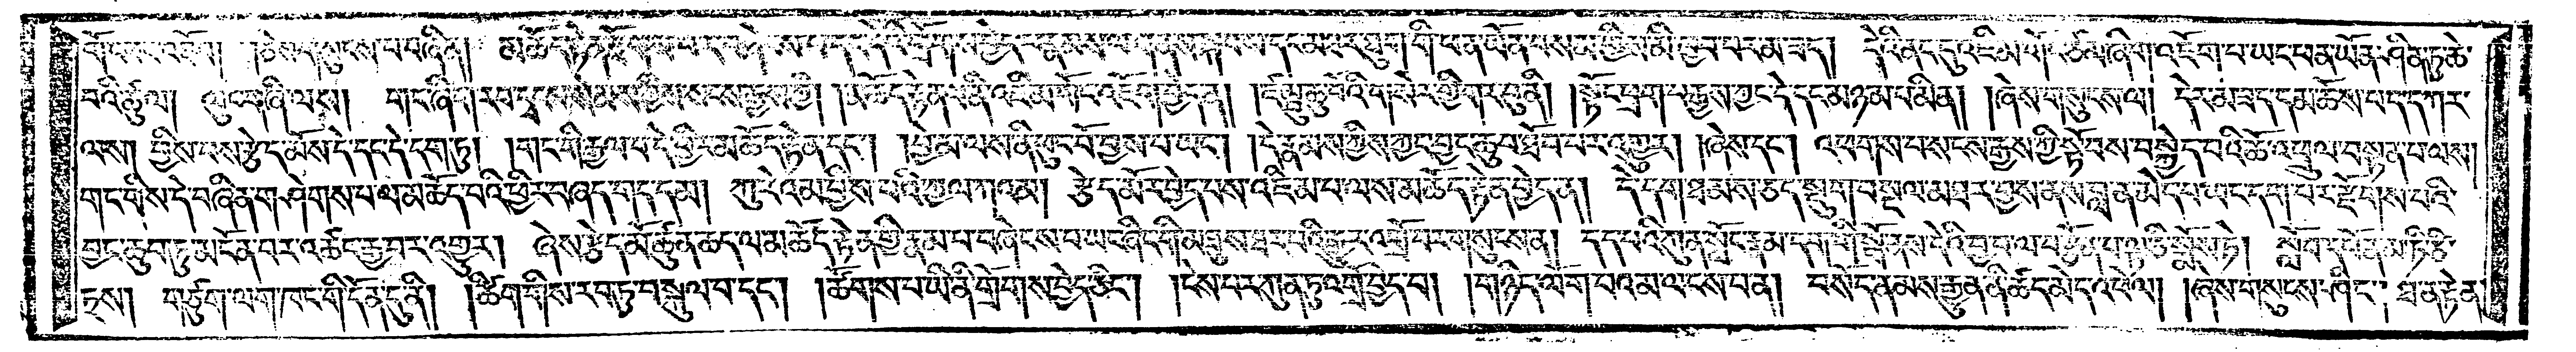གོ་འཕང་འཐོབ། །ཅེས་གསུངས་པ་བཞིན། མཆོད་རྟེན་རྫོགས་པར་བཞེངས་པ་དང་དེའི་གྲོགས་བྱེད་པ་རྣམས་ལ་གནས་སྐབས་དང་མཐར་ཐུག་གི་ཕན་ཡོན་བསམ་གྱིས་མི་ཁྱབ་པར་མ་ཟད། དེའི་ནང་དུ་འཇིམ་གོང་ཙམ་ཞིག་འཇོག་པ་ཡང་ཕན་ཡོན་ཤིན་ཏུ་ཆེ་
བའི་ཚུལ། ལུང་གཞི་ལས། གང་ཞིག་རབ་དྭངས་སེམས་ཀྱིས་སངས་རྒྱས་ཀྱི། །མཆོད་རྟེན་ལ་ནི་འཇིམ་གོང་འཇོག་བྱེད་ན། །ཛམྦུ་ཆུ་བོའི་གསེར་གྱི་གར་བུ་ནི། །སྟོང་ཕྲག་བརྒྱས་ཀྱང་དེ་དང་མཉམ་པ་མིན། །ཞེས་གསུངས་ལ། དེར་མ་ཟད་དམ་ཆོས་པད་དཀར་
ལས། བྱིས་པས་རྩེད་མོས་དེ་དང་དེ་དག་ཏུ། །གང་གི་རྒྱལ་བ་དེ་ཕྱིར་མཆོད་རྟེན་དང་། །བྱེ་མ་ལས་ནི་ཕུང་པོ་བྱས་པ་ཡང་། །དེ་རྣམས་ཀྱིས་ཀྱང་བྱང་ཆུབ་ཐོབ་པར་འགྱུར། །ཞེས་དང་། འཕགས་པ་སངས་རྒྱས་ཀྱི་སྟོབས་བསྐྱེད་བའི་ཆོ་འཕྲུལ་བསྟན་པ་ལས།
གང་གིས་དེ་བཞིན་གཤེགས་པ་ལ་མཆོད་པའི་ཕྱིར་བཞད་གད་དམ། ཀུ་རེའམ་བྱིས་པའི་ཀྱལ་ཀའམ། རྩེད་མོར་བྱེད་པས་འཇིམ་བ་ལས་མཆོད་རྟེན་བྱེད་ན། དེ་དག་ཐམས་ཅད་སྡུག་བསྔལ་མཐར་བྱས་ནས་བླ་ན་མེད་པ་ཡང་དག་པར་རྫོགས་པའི་
བྱང་ཆུབ་ཏུ་མངོན་པར་འཚང་རྒྱ་བར་འགྱུར། ཞེས་རྩེད་མོ་ཚུན་ཆད་ལ་མཆོད་རྟེན་གྱི་རྣམ་པ་བཞེངས་བ་ཡང་ཞིང་གི་མཐུས་ཐར་པའི་རྒྱུར་འགྲོ་བར་གསུངས་ན། དད་པའི་ཀུན་སློང་རྣམ་དག་གི་སྒོ་ནས་དེའི་བྱ་བ་ལ་བརྩོན་པ་ལྟ་ཅི་སྨོས་ཏེ། སློབ་དཔོན་མ་ཏི་ཙི་
ཏྲས། གཙུག་ལག་ཁང་གི་དོན་དུ་ནི། །ཚིག་གིས་རབ་ཏུ་བསྐུལ་བ་དང་། །ཚོགས་པ་ཡི་ནི་གྲོགས་བྱེད་ཅིང་། །ངེས་པར་ཀུན་ཏུ་འགྲོ་བྱེད་པ། །གཉིད་ལོག་པའམ་ལངས་པ་ན། བསོད་ནམས་རྒྱུན་ནི་ཚད་མེད་འཕེལ། །ཞེས་གསུངས་ཤིང་།ཐ་ན་རྟེན་